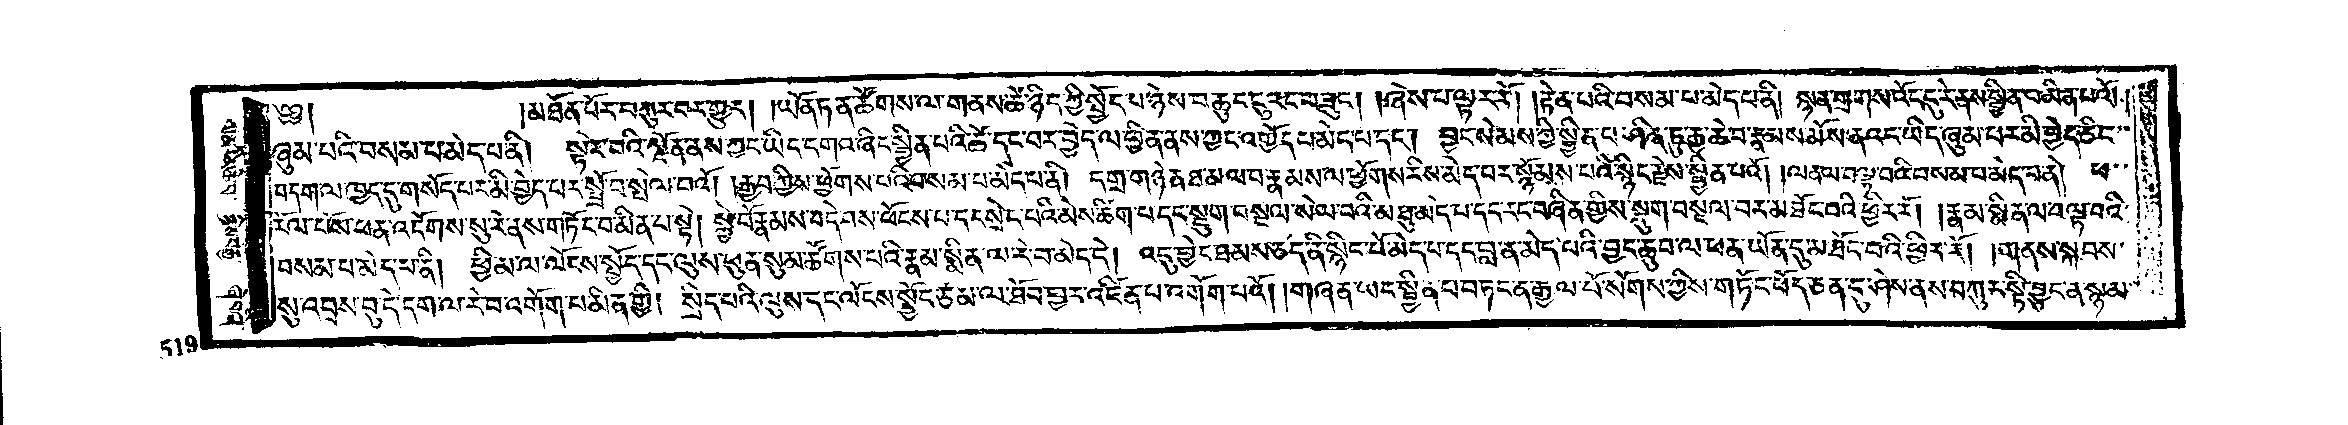༄༅། །མཐོན་པོར་བཀུར་བར་གྱུར། །ཡོན་ཏན་ཚོགས་ལ་གནས་ཚེ་ཉིད་ཀྱི་སྤྱོད་པ་ཉེས་པ་ཆུང་ངུའང་བཟུང་། །ཞེས་པ་ལྟར་རོ། །རྟེན་པའི་བསམ་པ་མེད་པ་ནི། སྙན་གྲགས་འོང་དུ་རེ་ནས་སྦྱིན་པ་མིན་པའོ།།
ཞུམ་པའི་བསམ་པ་མེད་པ་ནི། སྟེར་བའི་སྔོན་ནས་ཀྱང་ཡིད་དགའ་ཞིང་སྦྱིན་པའི་ཚེ་དྭང་བར་བྱེད་ལ་བྱིན་ནས་ཀྱང་འགྱོད་པ་མེད་པ་དང་། བྱང་སེམས་ཀྱི་སྦྱིན་པ་ཤིན་ཏུ་རྒྱ་ཆེ་བ་རྣམས་ཐོས་ནའང་ཡིད་ཞུམ་པར་མི་བྱེད་ཅིང་
བདག་ལ་ཁྱད་དུ་གསོད་པར་མི་བྱེད་པར་སྤྲོ་བ་སྤེལ་བའོ། །རྒྱབ་ཀྱིས་ཕྱོགས་པའི་བསམ་པ་མེད་པ་ནི། དགྲ་གཉེན་ཐ་མལ་པ་རྣམས་ལ་ཕྱོགས་རིས་མེད་པར་སྙོམས་པའི་སྙིང་རྗེས་སྦྱིན་པའོ། །ལན་ལ་བལྟ་བའི་བསམ་པ་མེད་པ་ནི། ཕ་
རོལ་པོས་ཕན་འདོགས་སུ་རེ་ནས་གཏོང་བ་མིན་པ་སྟེ། སྐྱེ་བོ་རྣམས་བདེ་བས་ཕོངས་པ་དང་སྲེད་པའི་མེས་ཚིག་པ་དང་སྡུག་བསྔལ་སེལ་བའི་མཐུ་མེད་པ་དང་རང་བཞིན་གྱིས་སྡུག་བསྔལ་བར་མཐོང་བའི་ཕྱིར་རོ། །རྣམ་སྨིན་ལ་བལྟ་བའི་
བསམ་པ་མེད་པ་ནི། ཕྱི་མ་ལ་ལོངས་སྤྱོད་དང་ལུས་ཕུན་སུམ་ཚོགས་པའི་རྣམ་སྨིན་ལ་རེ་བ་མེད་དེ། འདུ་བྱེད་ཐམས་ཅད་ནི་སྙིང་པོ་མེད་པ་དང་བླ་ན་མེད་པའི་བྱང་ཆུབ་ལ་ཕན་ཡོན་དུ་མཐོང་བའི་ཕྱིར་རོ། །གནས་སྐབས་
སུ་འབྲས་བུ་དེ་དག་ལ་རེ་བ་འགོག་པ་མིན་གྱི། སྲིད་པའི་ལུས་དང་ལོངས་སྤྱོད་ཙམ་ལ་ཐོབ་བྱར་འཛིན་པ་འགོག་པའོ། །གཞན་ཡང་སྦྱིན་པ་བཏང་ན་རྒྱལ་པོ་སོགས་ཀྱིས་གཏོང་ཕོད་ཅན་དུ་ཤེས་ནས་བཀུར་སྟི་བྱུང་ན་སྙམ་